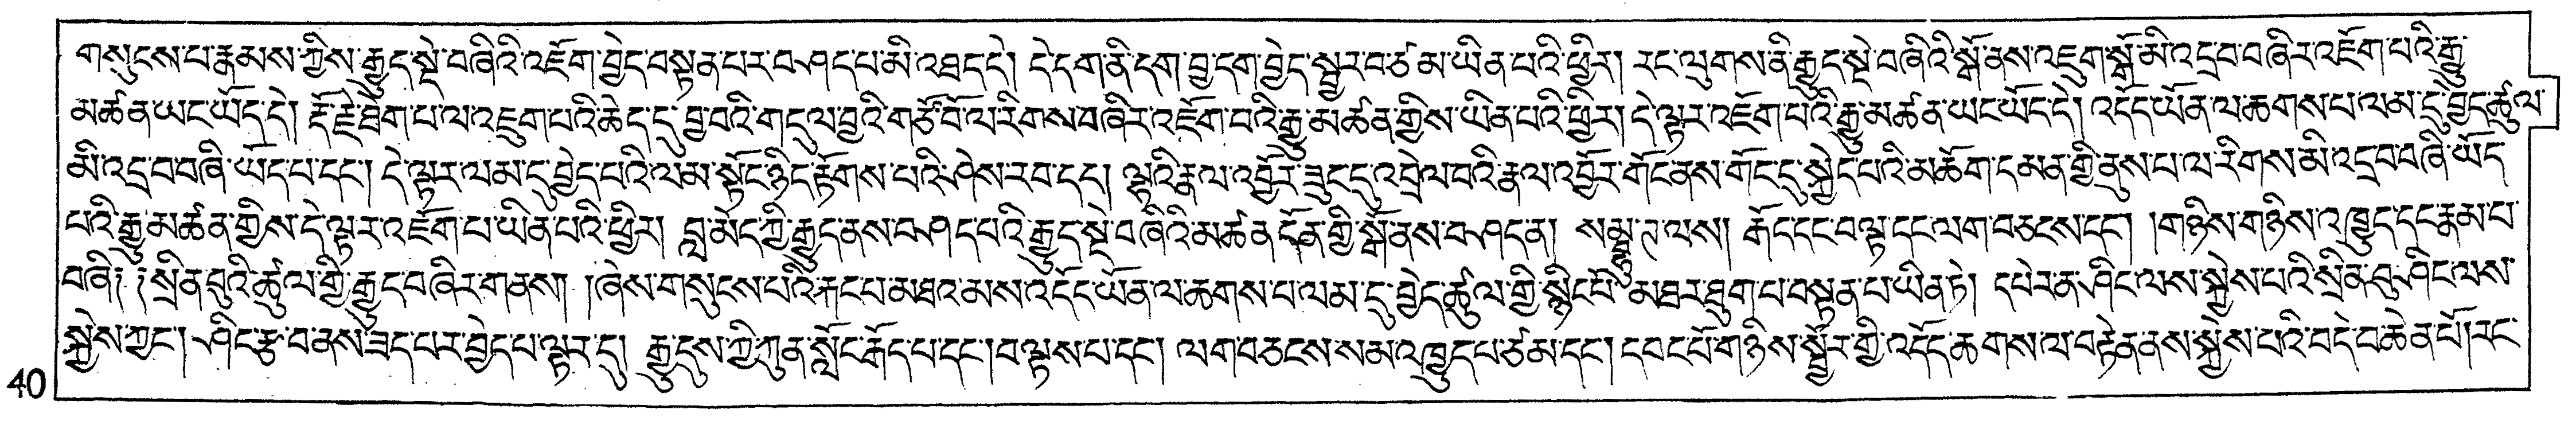གསུངས་པ་རྣམས་ཀྱིས་རྒྱུད་སྡེ་བཞིའི་འཇོག་བྱེད་བསྟན་པར་བཤད་པ་མི་འཐད་དེ། དེ་དག་ནི་དག་བྱ་དག་བྱེད་སྦྱར་བ་ཙམ་ཡིན་པའི་ཕྱིར། རང་ལུགས་ནི་རྒྱུད་སྡེ་བཞིའི་སྒོ་ནས་འཇུག་སྒོ་མི་འདྲ་བ་བཞིར་འཇོག་པའི་རྒྱུ་
མཚན་ཡང་ཡོད་དེ། རྡོ་རྗེ་ཐེག་པ་ལ་འཇུག་པའི་ཆེད་དུ་བྱ་བའི་གདུལ་བྱའི་གཙོ་བོ་ལ་རིགས་བཞིར་འཇོག་པའི་རྒྱུ་མཚན་གྱིས་ཡིན་པའི་ཕྱིར། དེ་ལྟར་འཇོག་པའི་རྒྱུ་མཚན་ཡང་ཡོད་དེ། འདོད་ཡོན་ལ་ཆགས་པ་ལམ་དུ་བྱེད་ཚུལ་
མི་འདྲ་བ་བཞི་ཡོད་པ་དང་། དེ་ལྟར་ལམ་དུ་བྱེད་པའི་ལམ་སྟོང་ཉིད་རྟོགས་པའི་ཤེས་རབ་དང་། ལྷའི་རྣལ་འབྱོར་ཟུང་དུ་འབྲེལ་བའི་རྣལ་འབྱོར་གོང་ནས་གོང་དུ་སྐྱེད་པའི་མཆོག་དམན་གྱི་ནུས་པ་ལ་རིགས་མི་འདྲ་བ་བཞི་ཡོད་
པའི་རྒྱུ་མཚན་གྱིས་དེ་ལྟར་འཇོག་པ་ཡིན་པའི་ཕྱིར། བླ་མེད་ཀྱི་རྒྱུད་ནས་བཤད་པའི་རྒྱུད་སྡེ་བཞིའི་མཚན་དོན་གྱི་སྒོ་ནས་བཤད་ན། སམྦྷུ་ཊ་ལས། རྒོད་དང་བལྟ་དང་ལག་བཅངས་དང་། །གཉིས་གཉིས་འཁྱུད་དང་རྣམ་པ་
བཞི། །སྲིན་བུའི་ཚུལ་གྱི་རྒྱུད་བཞིར་གནས། །ཞེས་གསུངས་པའི་རྐང་པ་མཐའ་མས་འདོད་ཡོན་ལ་ཆགས་པ་ལམ་དུ་བྱེད་ཚུལ་གྱི་སྙིང་པོ་མཐར་ཐུག་པ་བསྟན་པ་ཡིན་ཏེ། དཔེར་ན་ཤིང་ལས་སྐྱེས་པའི་སྲིན་བུ་ཤིང་ལས་
སྐྱེས་ཀྱང་། ཤིང་རྩ་བ་ནས་ཟད་པར་བྱེད་པ་ལྟར་དུ། རྒྱུ་དུས་ཀྱི་ཀུན་སློང་རྒོད་པ་དང་། ལག་བཅངས་སམ་འཁྱུད་པ་ཙམ་དང་། དབང་པོ་གཉིས་སྦྱོར་གྱི་འདོད་ཆགས་ལ་བརྟེན་ནས་སྐྱེས་པའི་བདེ་བ་ཆེན་པོ། རང་